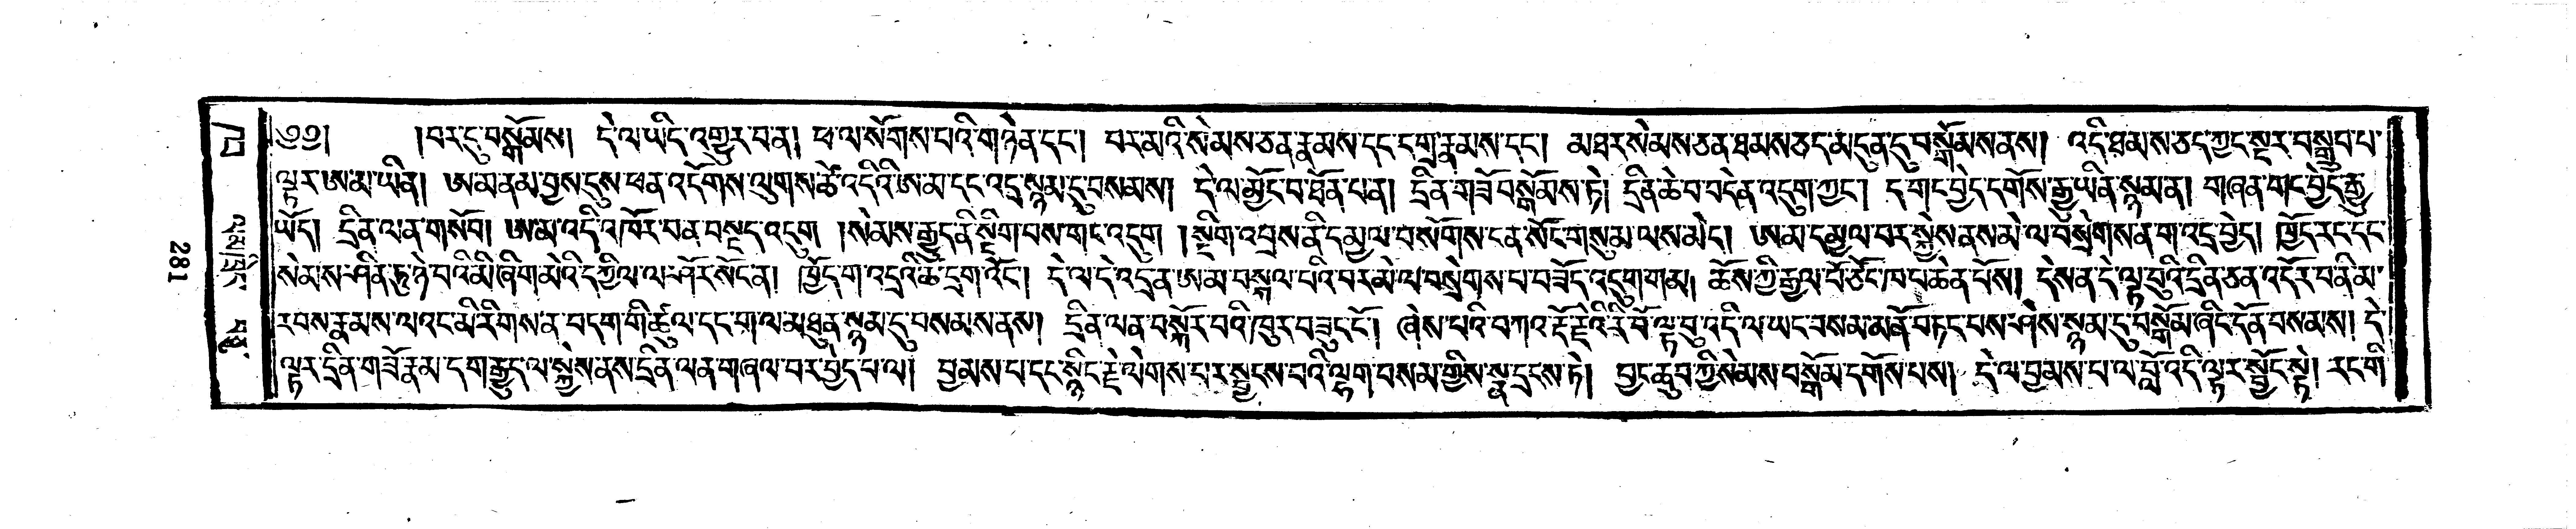༄༅། །བར་དུ་བསྒོམས། དེ་ལ་ཡིད་འགྱུར་བ་ན། ཕ་ལ་སོགས་པའི་གཉེན་དང་། བར་མའི་སེམས་ཅན་རྣམས་དང་དགྲ་རྣམས་དང་། མཐར་སེམས་ཅན་ཐམས་ཅད་མདུན་དུ་བསྒོམས་ནས། འདི་ཐམས་ཅད་ཀྱང་སྔར་བསྒྲུབ་པ་
ལྟར་ཨ་མ་ཡིན། ཨ་མ་ནམ་བྱས་དུས་ཕན་འདོགས་ལུགས་ཚེ་འདིའི་ཨ་མ་དང་འདྲ་སྙམ་དུ་བསམས། དེ་ལ་མྱོང་བ་ཐོན་པ་ན། དྲིན་གཟོ་བསྒོམས་ཏེ། དྲིན་ཆེ་བ་བདེན་འདུག་ཀྱང་། ད་གང་བྱེད་དགོས་རྒྱུ་ཡིན་སྙམ་ན། གཞན་གང་བྱེད་རྒྱུ་
ཡོད། དྲིན་ལན་གསོབ། ཨ་མ་འདི་འཁོར་བ་ན་བསྡད་འདུག །སེམས་རྒྱུད་ནི་སྡིག་བས་གང་འདུག །སྡིག་འབྲས་ནི་དམྱལ་བ་སོགས་ངན་སོང་གསུམ་ལས་མེད། ཨ་མ་དམྱལ་བར་སྐྱེས་ནས་མེ་ལ་བསྲེགས་ནག་འདྲ་བྱེད། ཁྱོད་རང་དང་
སེམས་ཤིན་ཏུ་ཉེ་བའི་མི་ཞིག་མེའི་དཀྱིལ་ལ་ཤོར་སོང་ན། ཁྱོད་ག་འདྲའི་ཆ་དྲག་འོང་། དེ་ལ་དེ་འདྲ་ན་ཨ་མ་བསྐལ་པའི་བར་མེ་ལ་བསྲེགས་པ་བཟོད་འདུག་གམ། ཆོས་ཀྱི་རྒྱལ་པོ་ཙོང་ཁ་པ་ཆེན་པོས། དེས་ན་དེ་ལྟ་བུའི་དྲིན་ཅན་འདོར་བ་ནི་མ་
རབས་རྣམས་ལའང་མི་རིགས་ན་བདག་གི་ཚུལ་དང་ག་ལ་མཐུན་སྙམ་དུ་བསམས་ནས། དྲིན་ལན་བསྐོར་བའི་ཁུར་བཟུང་ངོ། ཞེས་པའི་བཀའ་རྡོ་རྗེའི་རི་བོ་ལྟ་བུ་འདི་ལ་ཡང་བསམ་མནོ་བཏང་པས་ཤེས་སྙམ་དུ་བསྒོམ་ཞིང་དོན་བསམས། དེ་
ལྟར་དྲིན་གཟོ་རྣམ་དག་རྒྱུད་ལ་སྐྱེས་ནས་དྲིན་ལན་གཞལ་བར་བྱེད་པ་ལ། བྱམས་པ་དང་སྙིང་རྗེ་ལེགས་པར་སྦྱངས་པའི་ལྷག་བསམ་གྱིས་སྣ་དྲངས་ཏེ། བྱང་ཆུབ་ཀྱི་སེམས་བསྒོམ་དགོས་པས། དེ་ལ་བྱམས་པ་ལ་བློ་འདི་ལྟར་སྦྱོང་སྟེ། རང་གི་